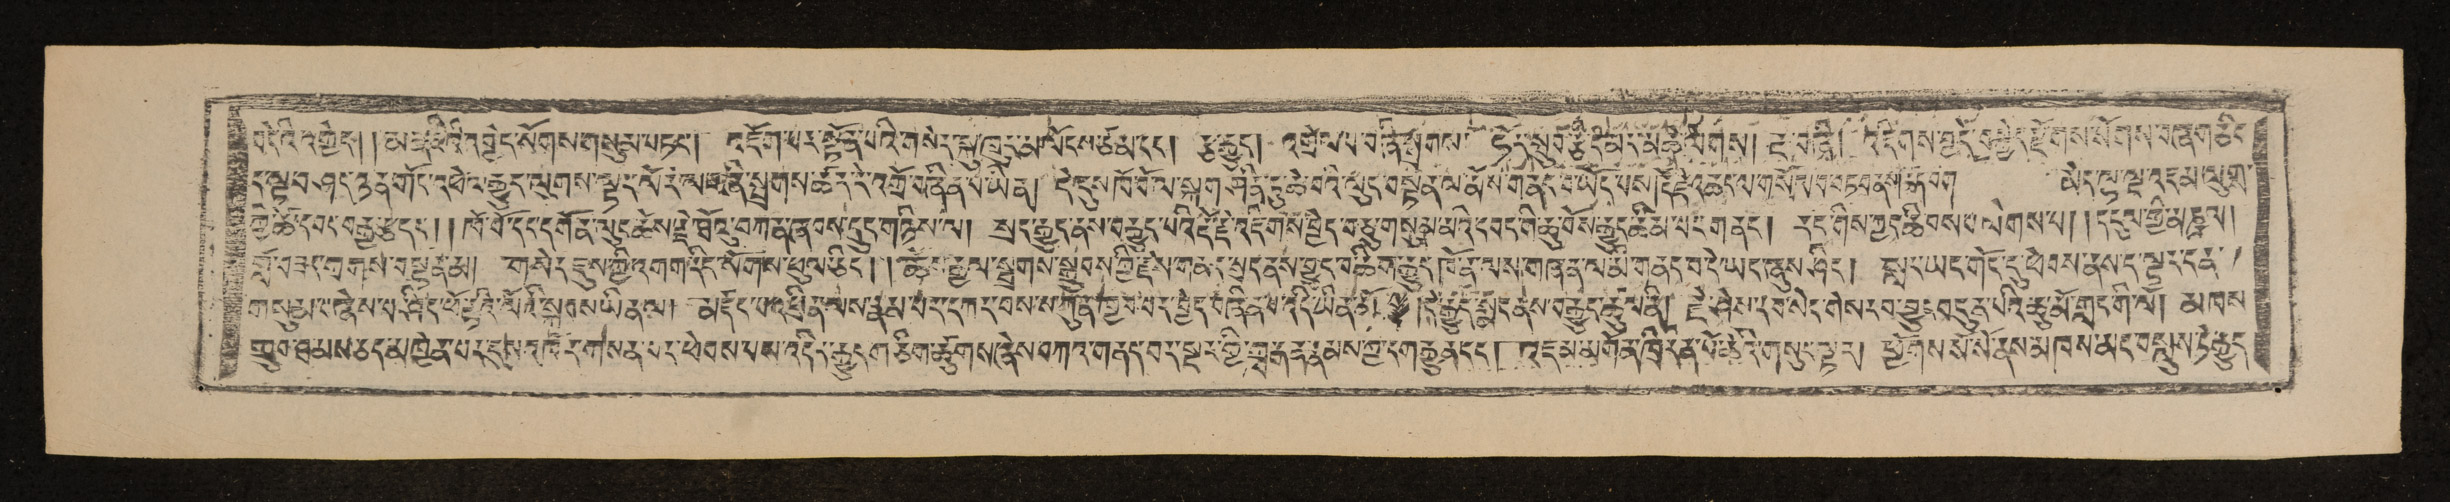བདེའི་འགྱེད། མན་ཛིའི་འགྱེད་སོགས་གསུམ་བཏང་། འཇོག་པར་སྟོན་པའི་གསེར་སྐུ་ཁྲུང་མ་ལོངས་ཙམ་དང་། རྩ་རྒྱུད། འགྲེལ་པ་བཞི་སྦྲགས། ཧོར་སྦུབ་རྩི་དམར་མ་ཆེ་ལེགས། རྔ་བཞི། འཇིགས་བྱེད་བསྐྱེད་རྫོགས་སོགས་བཞག་ཅིང་
ད་ལྟ་བཤད་ཉན་གོང་འཕེལ་རྒྱུད་ལུགས་ལྟར་ལོ་རེ་ལ་བཞི་སྦྲགས་ཚར་རེ་འགྲོ་བཞིན་པ་ཡིན། དེ་དུས་ཁོ་བོ་ལ་སྟག?་ཤིན་ཏུ་ཆེ་བའི་ལུང་བསྟན་ལ་མོས་གནང་བ་ཡོད་པས། རྡོ་རྗེ་འཆང་ལ་གསོལ་བ་བཏབ་ནས། ཚེ་དཔག་མེད་ལྷ་ལྔ་འཇམ་ལུགས་
ཀྱི་ཚེ་དབང་བརྒྱ་རྩ་དང་། ཁོ་བོ་དང་དགོན་ལུང་ཆོས་རྗེ་ཐོའུ་བཀན་ཞབས་དྲུང་གཉིས་ལ། སྲད་རྒྱུད་ནས་བརྒྱུད་པའི་རྡོ་རྗེ་འཇིགས་བྱེད་བཅུ་གསུམ་མའི་དབང་གི་ཆུ་བོས་རྒྱུད་ཚིམ་པར་གནང་། རང་གིས་ཀྱང་ཆིབས་པ་ལེགས་པ། དངུལ་གྱི་མཎྜལ།
བློ་བཟང་གྲགས་བསྟན་མ། གསེར་ཇུས་ཀྱི་འགག་རིང་སོགས་ཕུལ་ཅིང་། ཆོས་རྒྱལ་སྦྲགས་སྒྲུབས་ཀྱི་རྗེས་གནང་སྲད་ནས་བྱུང་བ་ཚིག་རྒྱུད་ཁོ་ན་ལས་གཞན་ལ་མི་གནང་བ་དེ་ཡང་ཞུས་ཤིང་། སླར་ཡང་གོང་དུ་ཕེབས་ནས་ད་ལྟར་དོན་
གསུམ་བཞེས་པ་ཤིང་ལོ་རྟའི་ལོའི་སྐབས་ཡིན་ལ། མཛད་པ་འཕྲིན་ལས་རྣམ་པར་དཀར་བས་ས་ཀུན་ཁྱབ་པར་བྱེད་བཞིན་བ་འདི་ཡིན་ནོ། ༈ །དེ་རྒྱུད་སྨད་ནས་བརྒྱུད་ཚུལ་ནི། རྗེ་ཤེས་རབ་སེང་གེས་རབ་བྱུང་བདུན་པའི་ཆུ་མོ་གླང་གི་ལོ། མཁས་
གྲུབ་ཐམས་ཅད་མཁྱེན་པར་དུས་འཁོར་གསན་པར་ཕེབས་པས་འདིར་རྒྱུད་གཅིག་ཚུགས་ཞེས་བཀའ་གནང་བར་སྔར་གྱི་གྲྭ་རྒན་རྣམས་ཀྱི་ངག་རྒྱུན་དང་། འཇམ་མགོན་ཁྲི་རིན་པོ་ཆེའི་གསུང་ལྟར། ཕྱོགས་སོ་སོ་ནས་མཁས་མང་བསྡུས་ཏེ་རྒྱུད་